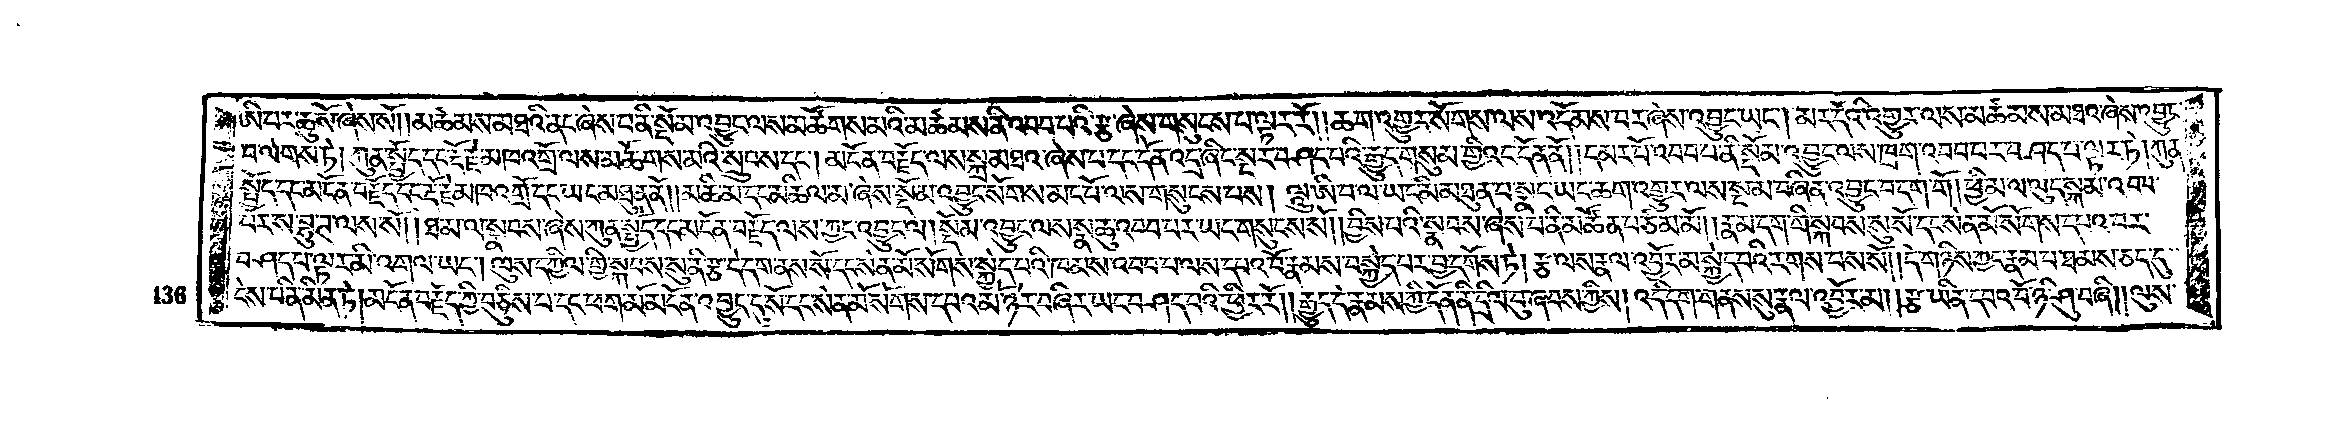ཨི་པར་ཆུ་སོ་ཞེས་སོ། །མཚམས་མཐའི་ནང་ཞེས་པ་ནི་སྡོམ་འབྱུང་ལས་མཚོགས་མའི་མཚམས་ནི་འབབ་པའི་རྩ་ཞེས་གསུངས་པ་ལྟར་རོ། །ཆག་འགྱུར་སོགས་ལས་འདོམས་པར་ཞེས་འབྱུང་ཡང་། མར་དོའི་འགྱུར་ལས་མཚམས་མཐའ་ཞེས་འབྱུང་
བ་ལེགས་ཏེ། ཀུན་སྤྱོད་དང་རྡོ་རྗེ་མཁའ་འགྲོ་ལས་མཚོགས་མའི་སྲུབས་དང་། མངོན་བརྗོད་ལས་སྐྲ་མཐའ་ཞེས་པ་དང་དོན་འདྲ་ཞིང་སྔར་བཤད་པའི་རྒྱུད་གསུམ་གྱིའང་དོན་ནོ། །དམར་པོ་འབབ་པ་ནི་སྡོམ་འབྱུང་ལས་ཁྲག་འབབ་པར་བཤད་པ་ལྟར་ཏེ། ཀུན་
སྤྱོད་དང་མངོན་བརྗོད་དང་རྡོ་རྗེ་མཁའ་འགྲོ་དང་ཡང་མཐུན་ནོ། །མཆི་མ་དང་མཆིལ་མ་ཞེས་སྡོམ་འབྱུང་སོགས་མང་པོ་ལས་གསུངས་པས། ལཱུ་ཨི་པ་ལ་ཡང་མི་མཐུན་པ་སྣང་ཡང་ཆག་འགྱུར་ལས་སྔ་མ་བཞིན་འབྱུང་བ་དག་གོ། ཕྱི་མ་ལ་ལུད་སྐམ་འབབ་
པར་སཾ་བྷུ་ཊ་ལས་སོ། །ཐ་མ་ལ་སྣབས་ཞེས་ཀུན་སྤྱོད་དང་མངོན་བརྗོད་ལས་ཀྱང་འབྱུང་ལ། སྡོམ་འབྱུང་ལས་སྣ་ཆུ་འབབ་པར་ཡང་གསུངས་སོ། །བྱིས་པའི་སྣབས་ཞེས་པ་ནི་མཚོན་པ་ཙམ་མོ། །རྣམ་དག་གི་སྐབས་སུ་སོ་དང་སེན་མོ་སོགས་དཔའ་བོར་
བཤད་པ་ལྟར་མི་འགལ་ཡང་། ལུས་དཀྱིལ་གྱི་སྐབས་སུ་ནི་རྩ་དེ་དག་ནས་སོ་དང་སེན་མོ་སོགས་སྐྱེད་པའི་ཁམས་འབབ་པ་ལས་དཔའ་བོ་རྣམས་བསྐྱེད་པར་བྱ་དགོས་ཏེ། རྩ་ལས་རྣལ་འབྱོར་མ་སྐྱེད་པའི་རགས་པས་སོ། །དེ་གཉིས་ཀྱང་རྣམ་པ་ཐམས་ཅད་དུ་
ངེས་པ་ནི་མིན་ཏེ། མངོན་བརྗོད་ཀྱི་བཅུ་གཉིས་པ་དང་ཕག་མོ་མངོན་འབྱུང་དུ་སོ་དང་སེན་མོ་སོགས་དཔའ་མོ་ཉེར་བཞིར་ཡང་བཤད་པའི་ཕྱིར་རོ། །རྒྱུད་དེ་རྣམས་ཀྱི་དོན་ནི་དྲིལ་བུ་ཞབས་ཀྱིས། འདི་དག་གནས་སུ་རྣལ་འབྱོར་མ། །རྩ་ཡིན་དཔའ་བོ་ཉི་ཤུ་བཞི། །ལུས་